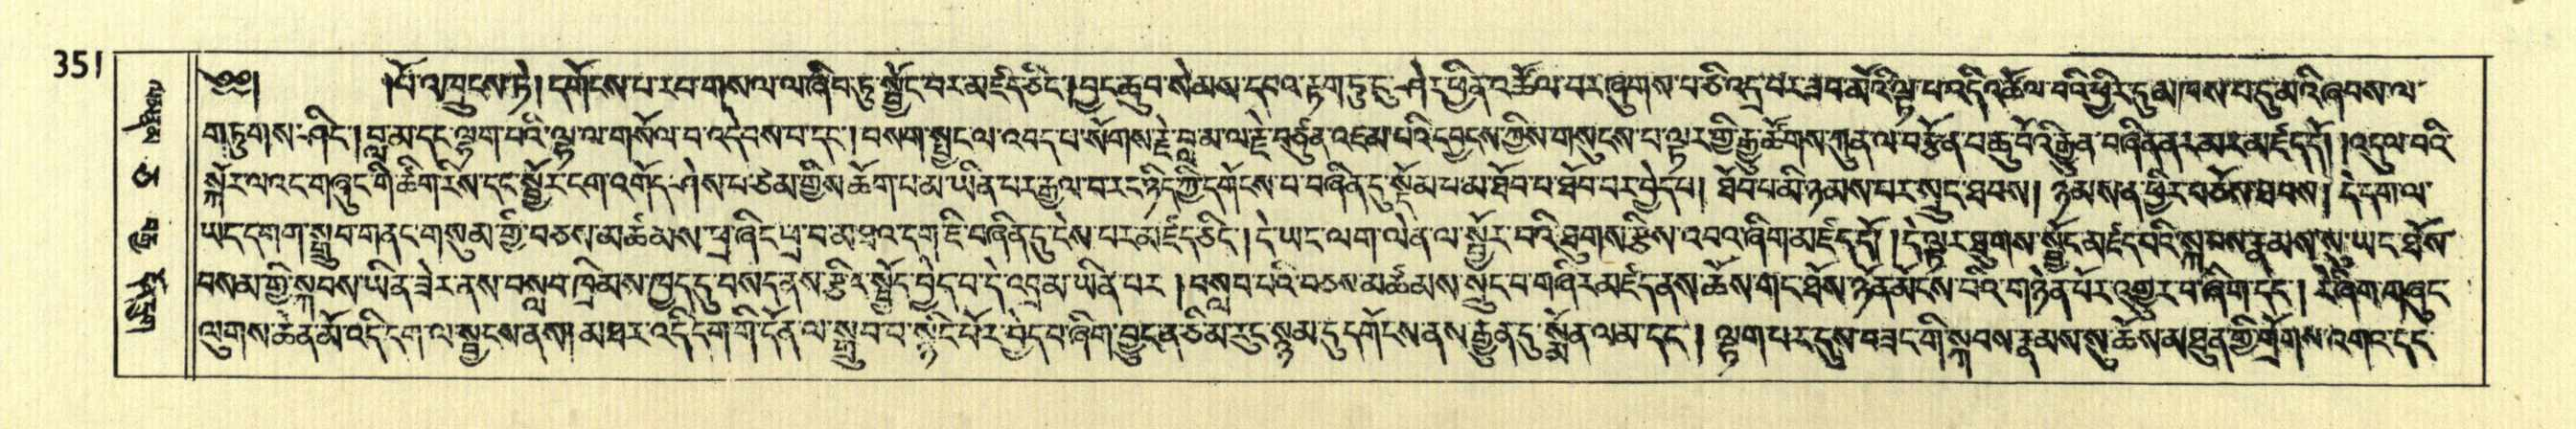༄༅། །པོ་འཁྲུངས་ཏེ། དགོངས་པ་རབ་གསལ་ལ་ཞིབ་ཏུ་སྦྱོང་བར་མཛད་ཅིང་། བྱང་ཆུབ་སེམས་དཔའ་རྟག་ཏུ་དུ་ཤེར་ཕྱིན་འཚོལ་བར་ཞུགས་པ་ཅི་འདྲ་བར་ཟབ་མོའི་ལྟ་པ་འདི་འཚོལ་བའི་ཕྱིར་དུ་མཁས་པ་དུ་མའི་ཞབས་ལ་
གཏུགས་ཤིང་། བླ་མ་དང་ལྷག་པའི་ལྷ་ལ་གསོལ་བ་འདེབས་པ་དང་། བསག་སྦྱང་ལ་འབད་པ་སོགས་རྗེ་བླ་མ་ལ་རྗེ་བཙུན་འཇམ་པའི་དབྱངས་ཀྱིས་གསུངས་པ་ལྟར་གྱི་རྒྱུ་ཚོགས་ཀུན་ལ་བརྩོན་པ་ཆུ་བོའི་རྒྱུན་བཞིན་ནར་མར་མཛད་དོ། །འདུལ་བའི་
སྐོར་ལའང་གཞུང་གི་ཚིག་རིས་དང་སྦྱོར་ངག་འགོད་ཤེས་པ་ཙམ་གྱིས་ཆོག་པ་མ་ཡིན་པར་རྒྱལ་བ་རང་ཉིད་ཀྱི་དགོངས་པ་བཞིན་དུ་སྡོམ་པ་མ་ཐོབ་པར་བྱེད་པ། ཐོབ་པ་མི་ཉམས་པར་སྲུང་ཐབས། ཉམས་ན་ཕྱིར་བཅོས་ཐབས། དེ་དག་ལ་
ཡང་དགག་སྒྲུབ་གནང་གསུམ་གྱི་བཅས་མཚམས་ཕྲ་ཞིང་ཕྲ་བ་མཐའ་དག་ཇི་བཞིན་དུ་ངེས་པར་མཛད་ཅིང་། དེ་ཡང་ལག་ལེན་ལ་སྦྱོར་བའི་ཐུགས་རྩིས་འབའ་ཞིག་མཛད་དོ། །དེ་ལྟར་ཐུགས་སྦྱོང་མཛད་པའི་སྐབས་རྣམས་སུ་ཡང་ཐོས་
བསམ་གྱི་སྐབས་ཡིན་ཟེར་ནས་བསླབ་ཁྲིམས་ཁྱད་དུ་བསད་ནས་རྩིར་སྤྱོད་བྱེད་པ་དེ་འབྲམ་ཡིན་པར་།བསླབ་པའི་བཅས་མཚམས་སྲུང་བ་གཞིར་མཛད་ནས་ཆོས་གང་ཐོས་ཉོན་མོངས་པའི་གཉེན་པོར་འགྱུར་བ་ཞིག་དང་། རེ་ཞིག་གཞུང་
ལུགས་ཆེན་མོ་འདི་དག་ལ་སྦྱངས་ནས། མཐར་འདི་དག་གི་དོན་ལ་སྒྲུབ་པ་སྙིང་པོར་བྱེད་པ་ཞིག་བྱུང་ན་ཅི་མ་རུང་སྙན་དུ་དགོངས་ནས་རྒྱུན་དུ་སྨོན་ལམ་དང་། ལྷག་པར་དུས་བཟང་གི་སྐབས་རྣམས་སུ་ཆོས་མཐུན་གྱི་གྲོགས་འགའ་དང་